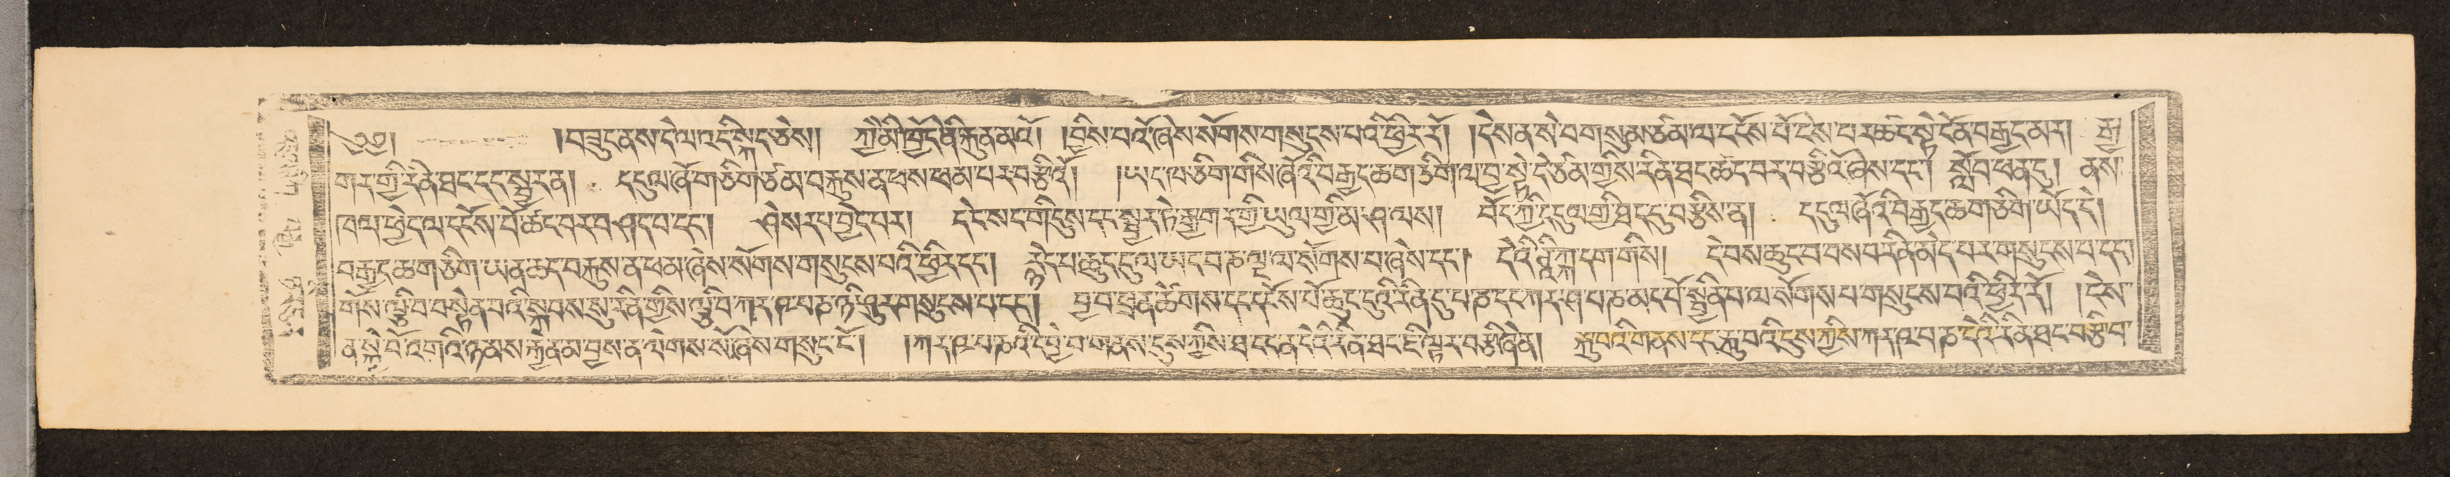༄༅། །བཟུང་ནས་དེ་ལ་འདི་སྐད་ཅེས། ཀྱེ་མི་ཁྱོད་ནི་རྐུན་མའོ། །བྱིས་པའོ་ཞེས་སོགས་གསུངས་པའི་ཕྱིར་རོ། །དེས་ན་སེབ་གསུམ་ཙམ་ལ་དངོས་པོ་ངེས་པར་ཚང་སྟེ་དོན་བརྒྱད་མར། རྒྱ་
གར་གྱི་རིན་ཐང་དང་སྦྱར་ན། དངུལ་ཞོ་གཅིག་ཙམ་བརྐུས་ན་ཕས་ཕམ་པར་བརྩིའོ། །ཡང་ཁ་ཅིག་གིས་ཞོའི་བརྒྱད་ཆ་གཅིག་ལ་བྱ་སྟེ་དེ་ཙམ་གྱིས་རིན་ཐང་ཚང་བར་བརྩིའོ་ཞེས་དང་། སློབ་ཕན་དུ། ནས་
ཁལ་ཕྱེད་ལ་དངོས་པོ་ཚང་བར་བཤད་པ་དང་། ཤེས་རབ་བྱེད་པར། དེང་སང་གི་དུས་དང་སྦྱར་ཏེ་རྒྱ་གར་གྱི་ཡུལ་གྱི་མ་ཤ་ལས། བོད་ཀྱི་དངུལ་གྱི་ཐང་དུ་བརྩིས་ན། དངུལ་ཞོའི་བརྒྱད་ཆ་གཅིག་ཡོད་དེ།
བརྒྱད་ཆ་གཅིག་ཡན་ཆད་བརྐུས་ན་ཕམ་ཞེས་སོགས་གསུངས་པའི་ཕྱིར་དང་། རྙེད་པ་ཆུང་དུ་ལ་ཡང་པ་ཎ་ལྔ་ལ་སོགས་པ་ཞེས་དང་། དེའི་ཊཱིཀྐ་དག་གིས། དེ་བས་ཆུང་བ་བསམ་རིན་མེད་པར་གསུངས་པ་དང་།
གོས་ལྕི་བ་བསྟེན་པའི་སྐབས་སུ་རིན་གྱིས་ལྕི་བཀར་ཥ་པ་ཎ་ཉི་ཤུར་གསུངས་པ་དང་། བྱ་བ་ཕྲན་ཚེགས་དང་དངོས་པོ་ཆུང་དུའི་རིན་དུ་པ་ཎ་དང་ཀར་ཤ་པ་ཎ་མང་པོ་སྦྱིན་པ་ལ་སོགས་པ་གསུངས་པའི་ཕྱིར་རོ། །དེས་
ན་སྐྱེ་བོ་འགའི་ཉམས་རྐྱེན་མ་བྱས་ན་ལེགས་སོ་ཞེས་གསུང་ངོ། །ཀར་ཥ་པ་ཎའི་དབྱེ་བ་གནས་དུས་ཀྱིས་ཐ་དད་ན་དེའི་རིན་ཐང་ཇི་ལྟར་བརྩི་ཞེ་ན། རྐུ་བའི་གནས་དང་རྐུ་བའི་དུས་ཀྱིས་ཀར་ཥ་པ་ཎ་དེའི་རིན་ཐང་བརྩི་བ་